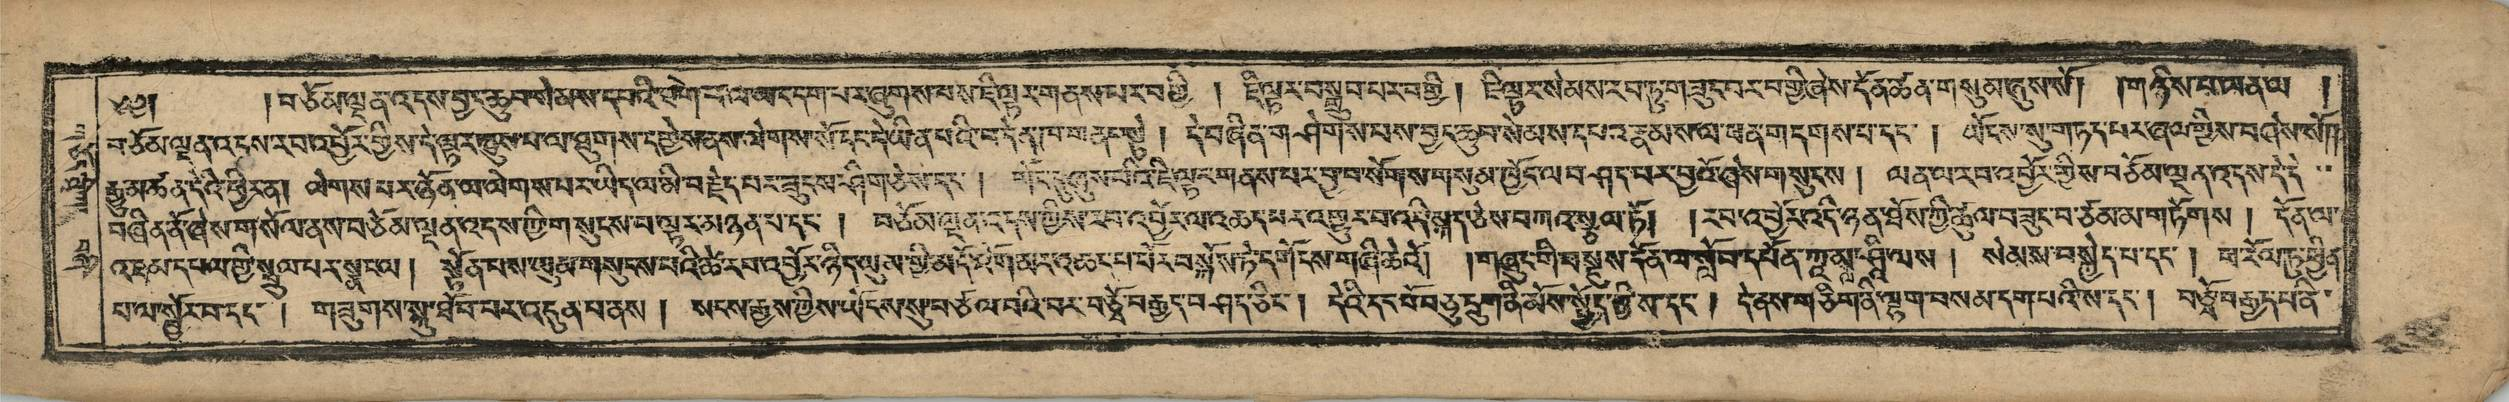༄༅། །བཅོམ་ལྡན་འདས་བྱང་ཆུབ་སེམས་དཔའི་ཐེག་པ་ལ་ཡང་དག་པར་ཞུགས་པས་ཇི་ལྟར་གནས་པར་བགྱི། ཇི་ལྟར་བསྒྲུབ་པར་བགྱི། ཇི་ལྟར་སེམས་རབ་ཏུ་གཟུང་བར་བགྱི་ཞེས་དོན་ཚན་གསུམ་ཞུས་སོ། །གཉིས་པ་ལན་ལ་
བཅོམ་ལྡན་འདས་རབ་འབྱོར་གྱིས་དེ་ལྟར་ཞུས་པ་ལ་ཐུགས་དགྱེས་ནས་ལེགས་སོ་དང་དེ་ཡིན་པའི་བདེན་ཁ་གནས་སྟེ། དེ་བཞིན་གཤེགས་པས་བྱང་ཆུབ་སེམས་དཔའ་རྣམས་ལ་ཕན་གདགས་པ་དང་། ཡོངས་སུ་གཏད་པར་ཞལ་གྱིས་བཞེས་སོ། །
རྒྱུ་མཚན་དེའི་ཕྱིར་ན། ལེགས་པར་ཉོན་ལ་ལེགས་པར་ཡིད་ལ་མི་བརྗེད་པར་ཟུངས་ཤིག་ཅེས་དང་། གོང་དུ་ཞུས་པའི་ཇི་ལྟར་གནས་པར་བྱ་བ་སོགས་གསུམ་ཁྱོད་ལ་བཤད་པར་བྱའོ་ཞེས་གསུངས། ལན་ལ་རབ་འབྱོར་གྱིས་བཅོམ་ལྡན་འདས་དེ་དེ་
བཞིན་ནོ་ཞེས་གསོལ་ནས་བཅོམ་ལྡན་འདས་ཀྱི་གསུངས་པ་ལྟར་མཉན་པ་དང་། བཅོམ་ལྡན་འདས་ཀྱིས་རབ་འབྱོར་ལ་འཆད་པར་འགྱུར་བ་འདི་སྐད་ཅེས་བཀའ་སྩལ་ཏོ། །རབ་འབྱོར་འདི་ཉན་ཐོས་ཀྱི་ཚུལ་བཟུང་བ་ཙམ་མ་གཏོགས། དོན་ལ་
འཇམ་དཔལ་གྱི་སྤྲུལ་པར་སྣང་ལ། སྟོན་པས་ཡུམ་གསུངས་པའི་ཚེ་རབ་འབྱོར་ཉིད་ཡུམ་གྱི་མདོ་ཐོག་མར་འཆད་པ་པོར་བསྒོས་ཏེ་དགོངས་གཞི་ཆེའོ། །གཞུང་གི་བསྡུས་དོན་ལ་སློབ་དཔོན་ཀཱ་མ་ཤཱི་ལས། སེམས་བསྐྱེད་པ་དང་། ཕ་རོལ་ཏུ་ཕྱིན་
པ་ལ་སྦྱོར་བ་དང་། གཟུགས་སྐུ་ཐོབ་པར་འདུན་པ་ནས། སངས་རྒྱས་ཀྱིས་ཡོངས་སུ་བཙལ་བའི་བར་བཅྭོ་བརྒྱད་བཤད་ཅིང་། དེའི་དང་པོ་བཅུ་དྲུག་ནི་ཡོངས་སྤྱོད་ཀྱི་ས་དང་། དེ་ནས་གཅིག་ནི་ལྷག་བསམ་དག་པའི་ས་དང་། བཅྭོ་བརྒྱད་པ་ནི་